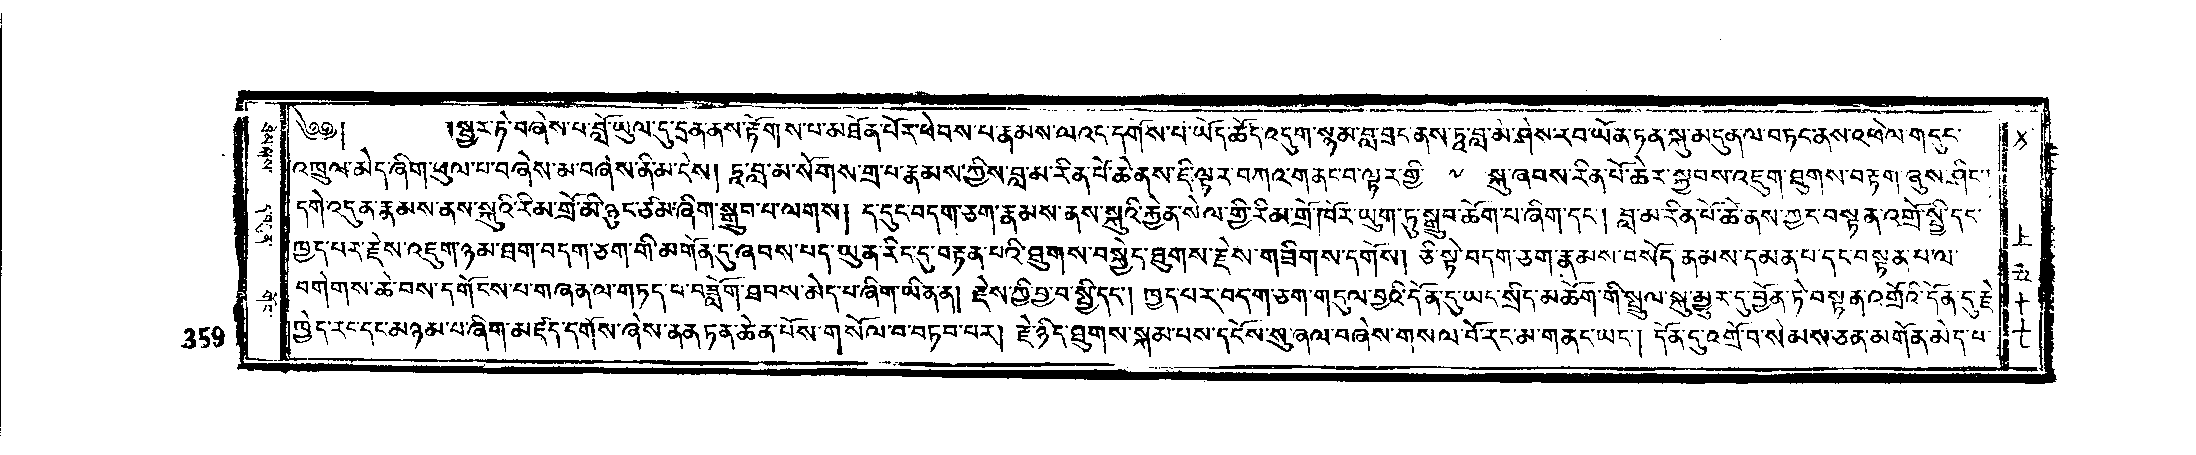༄༅། །སྦྱར་ཏེ་བཞེས་པ་བློ་ཡུལ་དུ་དྲན་ནས་རྟོགས་པ་མཐོན་པོར་ཕེབས་པ་རྣམས་ལའང་དགོས་པ་ཡོད་ཚོད་འདུག་སྙམ་བླ་བྲང་ནས་ཏཱ་བླ་མ་ཤེས་རབ་ཡོན་ཏན་སྐུ་མདུན་ལ་བཏང་ནས་འཕེལ་གདུང་
འཁྲུལ་མེད་ཞིག་ཕུལ་པ་བཞེས་མ་བཞེས་ནི་མ་ངེས། ཏཱ་བླ་མ་སོགས་གྲ་པ་རྣམས་ཀྱིས་བླ་མ་རིན་པོ་ཆེ་ནས་ཇི་ལྟར་བཀའ་གནང་བ་ལྟར་གྱི ༧་སྐུ་ཞབས་རིན་པོ་ཆེར་སྐྱབས་འཇུག་ཐུགས་བརྟག་ཞུས་ཤིང་།
དགེ་འདུན་རྣམས་ནས་སྐུའི་རིམ་གྲོ་མི་ཉུང་ཙམ་ཞིག་སྒྲུབ་པ་ལགས། ད་དུང་བདག་ཅག་རྣམས་ནས་སྐུའི་རྐྱེན་སེལ་གྱི་རིམ་གྲོ་ཁོར་ཡུག་ཏུ་སྒྲུབ་ཆོག་པ་ཞིག་དང་། བླ་མ་རིན་པོ་ཆེ་ནས་ཀྱང་བསྟན་འགྲོ་སྤྱི་དང་
ཁྱད་པར་རྗེས་འཇུག་ཉམ་ཐག་བདག་ཅག་གི་མགོན་དུ་ཞབས་པད་ཡུན་རིང་དུ་བརྟན་པའི་ཐུགས་བསྐྱེད་ཐུགས་རྗེས་གཟིགས་དགོས། ཅི་སྟེ་བདག་ཅག་རྣམས་བསོད་ནམས་དམན་པ་དང་བསྟན་པ་ལ་
བགེགས་ཆེ་བས་དགོངས་པ་གཞན་ལ་གཏད་པ་བཟློག་ཐབས་མེད་པ་ཞིག་ཡིན་ན། རྗེས་ཀྱི་བྱ་བ་སྤྱི་དང་། ཁྱད་པར་བདག་ཅག་གདུལ་བྱའི་དོན་དུ་ཡང་སྲིད་མཆོག་གི་སྤྲུལ་སྐུ་མྱུར་དུ་བྱོན་ཏེ་བསྟན་འགྲོའི་དོན་དུ་རྗེ་
ཁྱེད་རང་དང་མཉམ་པ་ཞིག་མཛད་དགོས་ཞེས་ནན་ཏན་ཆེན་པོས་གསོལ་བ་བཏབ་པར། རྗེ་ཉིད་ཐུགས་སྐམ་པས་དངོས་སུ་ཞལ་བཞེས་གསལ་བོ་རང་མ་གནང་ཡང་། དོན་དུ་འགྲོ་བ་སེམས་ཅན་མགོན་མེད་པ་